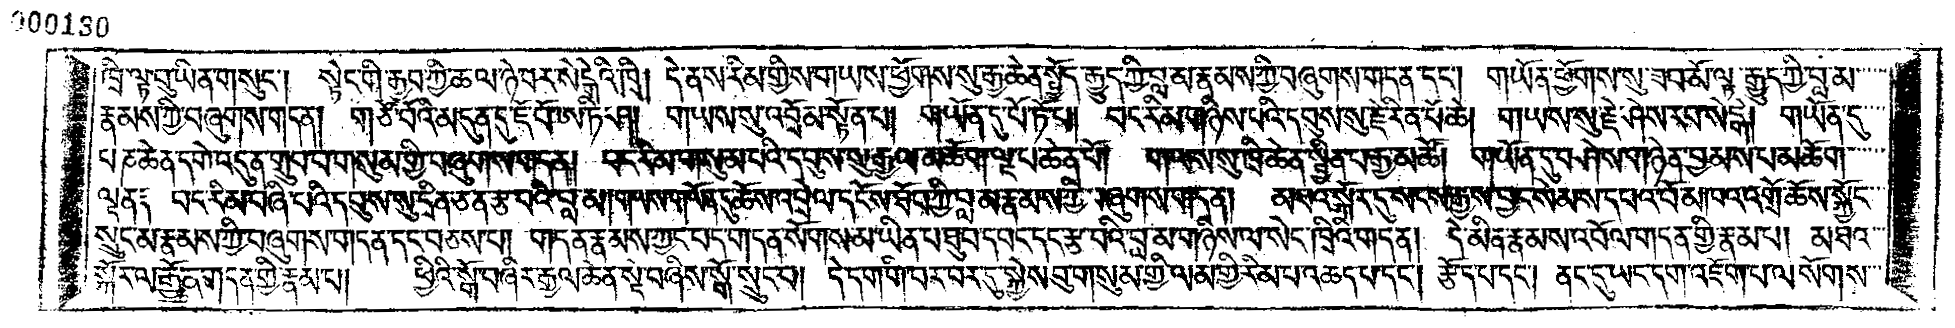ཁྲི་ལྟ་བུ་ཡིན་གསུང་། སྟེང་གི་རྒྱབ་ཀྱི་ཆ་ལ་ཉེ་བར་སེངྒེའི་ཁྲི། དེ་ནས་རིམ་གྱིས་གཡས་ཕྱོགས་སུ་རྒྱ་ཆེན་སྤྱོད་རྒྱུད་ཀྱི་བླ་མ་རྣམས་ཀྱི་བཞུགས་གདན་དང་། གཡོན་ཕྱོགས་སུ་ཟབ་མོ་ལྟ་རྒྱུད་ཀྱི་བླ་མ་
རྣམས་ཀྱི་བཞུགས་གདན། གཙོ་བོའི་མདུན་དུ་ཇོ་བོ་ཨ་ཏི་ཤ། གཡས་སུ་འབྲོམ་སྟོན་པ། གཡོན་དུ་པོ་ཏོ་པ། བང་རིམ་གཉིས་པའི་དབུས་སུ་རྗེ་རིན་པོ་ཆེ། གཡས་སུ་རྗེ་ཤེས་རབ་སེངྒེ། གཡོན་དུ་
པཎ་ཆེན་དགེ་འདུན་གྲུབ་པ་གསུམ་གྱི་བཞུགས་གདན། བང་རིམ་གསུམ་པའི་དབུས་སུ་རྒྱལ་མཆོག་ལྔ་པ་ཆེན་པོ། གཡས་སུ་ཁྲི་ཆེན་སྦྱིན་པ་རྒྱ་མཚོ། གཡོན་དུ་བཤེས་གཉེན་བྱམས་པ་མཆོག་
ལྡན༑ བང་རིམ་བཞི་པའི་དབུས་སུ་དྲིན་ཅན་རྩ་བའི་བླ་མ། གཡས་གཡོན་དུ་ཆོས་འབྲེལ་དངོས་ཐོབ་ཀྱི་བླ་མ་རྣམས་ཀྱི་བཞུགས་གདན། མཐའ་སྐོར་དུ་སངས་རྒྱས་བྱང་སེམས་དཔའ་བོ་མཁའ་འགྲོ་ཆོས་སྐྱོང་
སྲུང་མ་རྣམས་ཀྱི་བཞུགས་གདན་དང་བཅས་པ། གདན་རྣམས་ཀྱང་པད་གདན་སོགས་མ་ཡིན་པ་ཐུབ་དབང་དང་རྩ་བའི་བླ་མ་གཉིས་ལ་སེང་ཁྲིའི་གདན། དེ་མིན་རྣམས་འབོལ་གདན་གྱི་རྣམ་པ། མཐའ་
སྐོར་ལ་རྒྱུན་རྒྱོན་?་གདན་གྱི་རྣམ་པ། ཕྱིའི་སྒོ་བཞིར་རྒྱལ་ཆེན་སྡེ་བཞིས་སྒོ་སྲུང་བ། དེ་དག་གི་བར་བར་དུ་སྐྱེས་བུ་གསུམ་གྱི་ལམ་གྱི་རིམ་པ་འཆད་པ་དང་། རྩོད་པ་དང་། ནང་དུ་ཡང་དག་འཇོག་པ་ལ་སོགས་